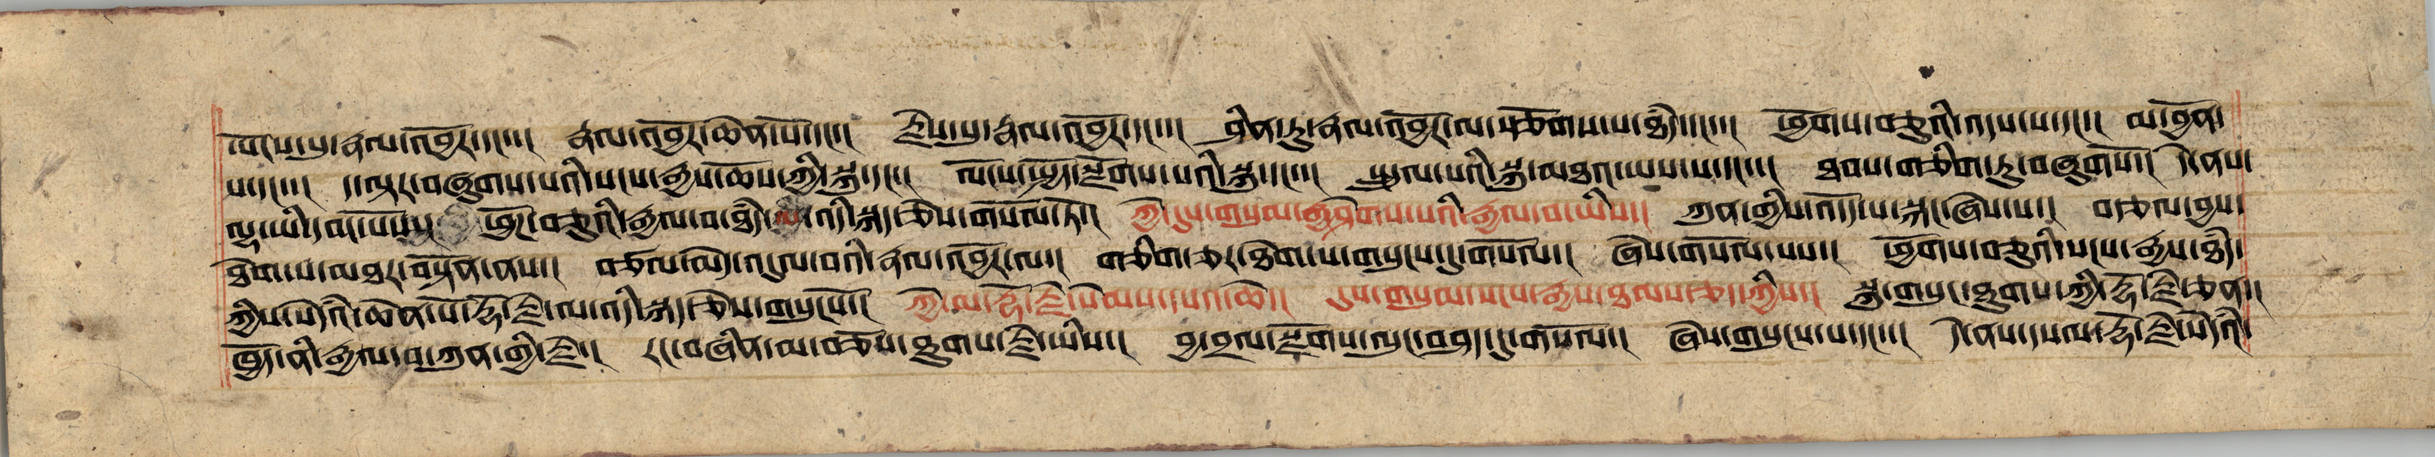ཡོངས་སུ་རྣལ་འབྱོར་དང་་། རྣལ་འབྱོར་ཆེན་པོ་དང་། རྗེས་སུ་རྣལ་འབྱོར་དང་་། ཤིན་ཏུ་རྣལ་འབྱོར་ལ་སྩོགས་པ་ཐཾད་དང་་། ཕྱོགས་བཅུའི་འདས་པ་དང་། མ་བྱོན་
པ་དང་་། ད་ལྟར་བཞུགས་པའི་སངས་རྒྱས་ཆོས་ཀྱི་སྐུ་དང་། ལོངས་སྤྱོད་སྫོགས་པའི་སྐུ་དང་་། སྤྲུལ་པའི་སྐུ་མཐའ་ཡས་པ་དང་་། ཐབས་གཅིག་ཏུ་བཞུགསོ་། དེ་ནས་
ལྷ་ཡི་དབང་པོས་། ཕྱོགས་བཅུའི་རྒྱལ་བ་ཐཾད་ལ་འདི་སྐད་ཅེས་གསོལ་ཏོ་། ཀྱེ་དུས་གསུམ་གཤེགས་པའི་རྒྱལ་བ་ཡིས་། ཀུན་གྱིས་འདོད་པ་སྐང་ཞེས་པ་། བདཙལ་བྱས་
ཐེག་པ་མཐར་བསྟོན་ནས་། བཙལ་མེད་འདུལ་བའི་རྣལ་འབྱོར་ལ་། གཅིག་ཅར་ཐེག་པ་གསུངས་དུ་གསོལ་། ཞེས་གསོལ་པས་། ཕྱོགས་བཅུའི་སངས་རྒྱས་ཐཾད་
ཀྱིས་སེཾདའ་ཆེན་པོ་རྡོ་རྗེ་ལ་འདི་སྐད་ཅེས་གསུངསོ་། ཀྱེ་མ་རྡོ་རྗེ་སེམས་དཔའ་ཆེ་། དུས་གསུམ་སངས་རྒྱས་ཐམས་ཅད་ཀྱི་། སྐུ་གསུང་ཐུགས་ཀྱི་རྡོ་རྗེ་ཅན་།
ཁྱོད་ནི་རྒྱལ་བ་ཀུན་གྱི་རྗེ་། རང་བཞིན་མ་བཅོས་ཐུགས་རྗེ་ཡིས་། བྱ་བྲལ་སྫོགས་ལུང་བཤད་དུ་གསོལ་། ཞེས་གསུངས་པ་དང་་། དེ་ནས་དཔལ་རྡོ་རྗེ་སེཾདའ་